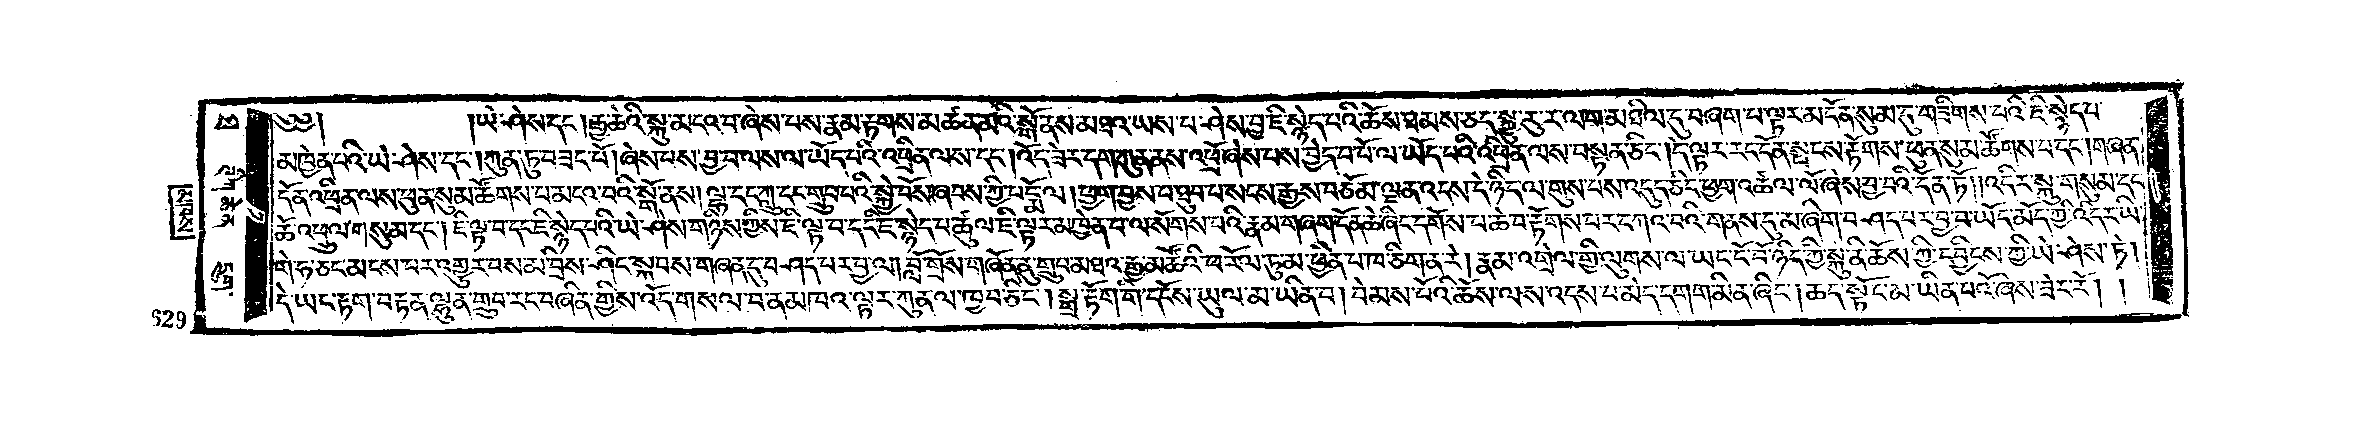༄༅། །ཡེ་ཤེས་དང་། རྒྱ་ཆེའི་སྐུ་མངའ་བ་ཞེས་པས་རྣམ་རྟགས་མཚན་མའི་སྒོ་ནས་མཐའ་ཡས་པ་ཤེས་བྱ་ཇི་སྙེད་པའི་ཆོས་ཐམས་ཅད་སྐྱུ་རུ་ར་ལག་མཐིལ་དུ་བཞག་པ་ལྟར་མངོན་སུམ་དུ་གཟིགས་པའི་ཇི་སྙེད་པ་
མཁྱེན་པའི་ཡེ་ཤེས་དང་། ཀུན་ཏུ་བཟང་པོ། ཞེས་པས་བྱ་བ་ལས་ལ་ཡོད་པའི་འཕྲིན་ལས་དང་། འོད་ཟེར་དག་ཀུན་ནས་འཕྲོ་ཞེས་པས་བྱེད་པ་པོ་ལ་ཡོད་པའི་འཕྲིན་ལས་བསྟན་ཅིང་། དེ་ལྟར་རང་དོན་སྤངས་རྟོགས་ཕུན་སུམ་ཚོགས་པ་དང་། གཞན་
དོན་འཕྲིན་ལས་ཕུན་སུམ་ཚོགས་པ་མངའ་བའི་སྒོ་ནས། ལྷ་དང་ཀླུ་དང་གྲུབ་པའི་སྐྱེ་བོས་ཞབས་ཀྱི་པད་མོ་ལ། ཕྱག་བྱས་པ་ཐུབ་པ་སངས་རྒྱས་བཅོམ་ལྡན་འདས་དེ་ཉིད་ལ་གུས་པས་འདུད་ཅིང་ཕྱག་འཚལ་ལོ་ཞེས་བྱ་བའི་དོན་ཏོ། །འདིར་སྐུ་གསུམ་དང་
ཆོ་འཕྲུལ་གསུམ་དང་། ཇི་ལྟ་བ་དང་ཇི་སྙེད་པའི་ཡེ་ཤེས་གཉིས་ཀྱིས་ཇི་ལྟ་བ་དང་ཇི་སྙེད་པ་ཚུལ་ཇི་ལྟར་མཁྱེན་པ་ལ་སོགས་པའི་རྣམ་གཞག་དོན་ཆེ་ཞིང་དགོས་པ་ཆེ་བ་རྟོགས་པར་དཀའ་བའི་གནས་དུ་མ་ཞིག་བཤད་པར་བྱ་བ་ཡོད་མོད་ཀྱི་འདིར་ཡི་
གེ་ཧ་ཅང་མངས་པར་འགྱུར་བས་མ་བྲིས་ཤིང་སྐབས་གཞན་དུ་བཤད་པར་བྱ་ལ། བློ་གྲོས་གཞོན་ནུ་གྲུབ་མཐའ་རྒྱ་མཚོའི་ཕ་རོལ་ཏུ་མ་ཕྱིན་པ་ཁ་ཅིག་ན་རེ། རྣམ་འགྲེལ་གྱི་ལུགས་ལ་ཡང་ངོ་བོ་ཉིད་ཀྱི་སྐུ་ནི་ཆོས་ཀྱི་དབྱིངས་ཀྱི་ཡེ་ཤེས་ཏེ།
དེ་ཡང་རྟག་བརྟན་ལྷུན་གྲུབ་རང་བཞིན་གྱིས་འོད་གསལ་བ་ནམ་མཁའ་ལྟར་ཀུན་ལ་ཁྱབ་ཅིང་། སྒྲ་རྟོག་གི་དངོས་ཡུལ་མ་ཡིན་པ། བེམས་པོའི་ཆོས་ལས་འདས་པ་མེད་དགག་མིན་ཞིང་། ཆད་སྟོང་མ་ཡིན་པའོ་ཞེས་ཟེར་རོ། །